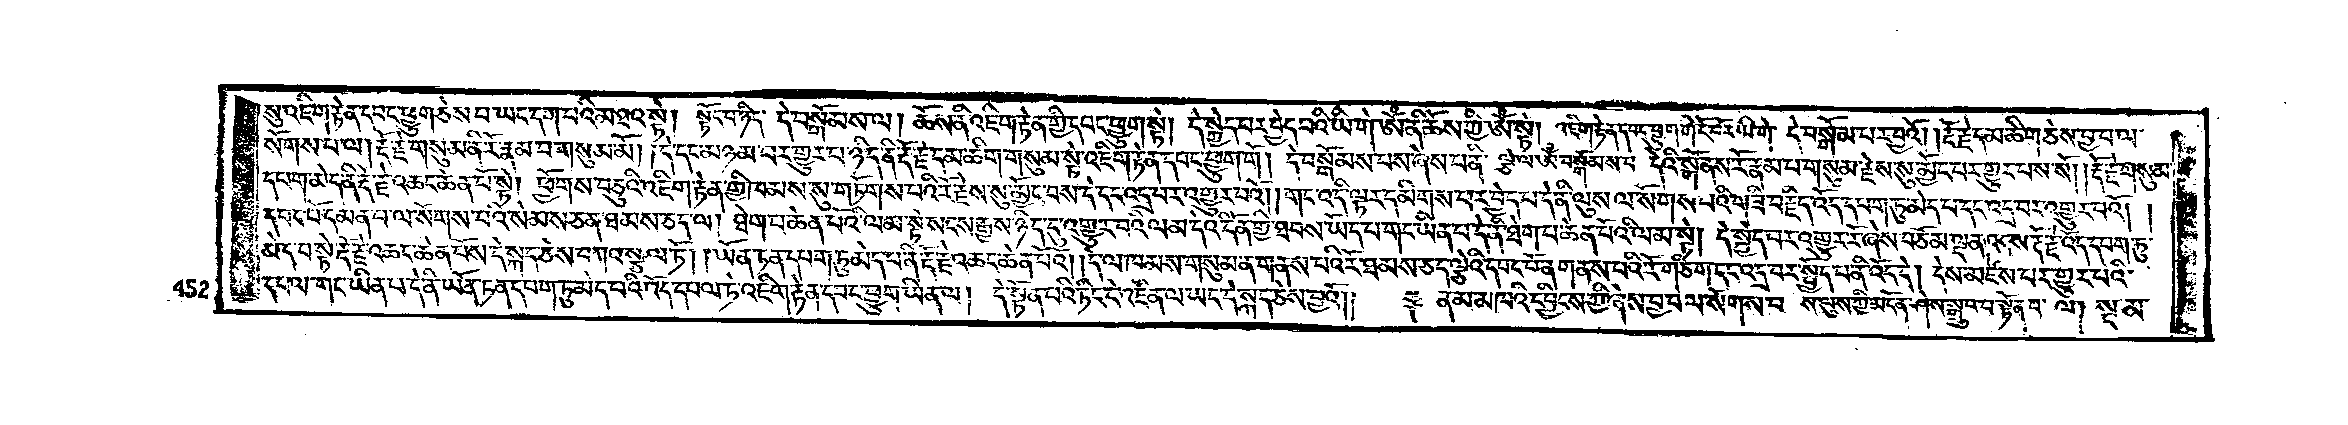སུ་འཇིག་རྟེན་དབང་ཕུག་ཅེས་པ་ཡང་དག་པའི་མཐའ་སྟེ། སྟོང་པ་ཉིད་དེ་བསྒོམས་ལ། ཆོས་ནི་འཇིག་རྟེན་གྱི་དབང་ཕྱུག་སྟེ། དེ་སྐྱེད་པར་བྱེད་པའི་ཡི་གེ་ཨོཾ་ནི་ཆོས་ཀྱི་ཨོཾ་སྟེ། འཇིག་རྟེན་དབང་ཕྱུག་གི་ངོ་བོར་ཡི་གེ་དེ་བསྒོམ་པར་བྱའོ། །རྡོ་རྗེ་དམ་ཚིག་ཅེས་བྱ་བ་ལ་
སོགས་པ་ལ། རྡོ་རྗེ་གསུམ་ནི་རོ་རྣམ་པ་གསུམ་མོ། །དེ་དང་མཉམ་པར་གྱུར་པ་ཉིད་ནི་རྡོ་རྗེ་དམ་ཚིག་གསུམ་སྟེ་འཇིག་རྟེན་དབང་ཕྱུག་གོ །དེ་བསྒོམས་པས་ཞེས་པ་ནི་ལྕེ་ལ་ཨོཾ་བསྒོམས་པ་དེའི་སྒོ་ནས་རོ་རྣམ་པ་གསུམ་རྗེས་སུ་མྱོང་བར་གྱུར་པས་སོ། །རྡོ་རྗེ་གསུམ་
དཔག་མེད་ནི་རྡོ་རྗེ་འཆང་ཆེན་པོ་སྟེ། ཕྱོགས་བཅུའི་འཇིག་རྟེན་གྱི་ཁམས་སུ་གཏོགས་པའི་རོ་རྗེས་སུ་མྱོང་བས་དེ་དང་འདྲ་བར་འགྱུར་བའོ། །གང་འདི་ལྟར་དམིགས་པར་བྱེད་པ་དེ་ནི་ལུས་ལ་སོགས་པའི་གཟི་བརྗིད་འོད་དཔག་ཏུ་མེད་པ་དང་འདྲ་བར་འགྱུར་བའོ། །
དབང་པོ་དམན་པ་ལ་སོགས་པའི་སེམས་ཅན་ཐམས་ཅད་ལ། ཐེག་པ་ཆེན་པོའི་ལམ་སྟེ་སངས་རྒྱས་ཉིད་དུ་འགྱུར་པའི་ལམ་དེའི་དོན་གྱི་ཐབས་ཡོད་པ་གང་ཡིན་པ་དེ་ནི་ཐེག་པ་ཆེན་པོའི་ལམ་སྟེ། དེ་སྐྱེད་པར་འགྱུར་རོ་ཞེས་བཅོམ་ལྡན་འདས་རྡོ་རྗེ་འོད་དཔག་ཏུ་
མེད་པ་སྟེ་རྡོ་རྗེ་འཆང་ཆེན་པོས་དེ་སྐད་ཅེས་བཀའ་སྩལ་ཏོ། །ཡོན་ཏན་དཔག་ཏུ་མེད་པ་ནི་རྡོ་རྗེ་འཆང་ཆེན་པོའོ། །དེ་ལ་ཁམས་གསུམ་ན་གནས་པའི་རོ་ཐམས་ཅད་ལྕེའི་དབན་པོ་ན་གནས་པའི་རོ་གཅིག་དང་འདྲ་བར་སྤྱོད་པ་ནི་འོང་དེ། དེས་མཛེས་པར་གྱུར་པའི་
དཔལ་གང་ཡིན་པ་དེ་ནི་ཡོན་ཏན་དཔག་ཏུ་མེད་པའི་འོད་དཔལ་ཏེ་འཇིག་རྟེན་དབང་ཕྱུག་ཡིན་ལ། དེ་སྟོན་པའི་ཏིང་ངེ་འཛིན་ལ་ཡང་དེ་སྐད་ཅེས་བྱའོ།། ༈ ནམ་མཁའི་དབྱིངས་ཀྱི་ཞེས་བྱ་བ་ལ་སོགས་པ་ས་ལུས་ཀྱི་མངོན་ཤེས་སྒྲུབ་པ་སྟོན་པ་ལ། སྔ་མ་